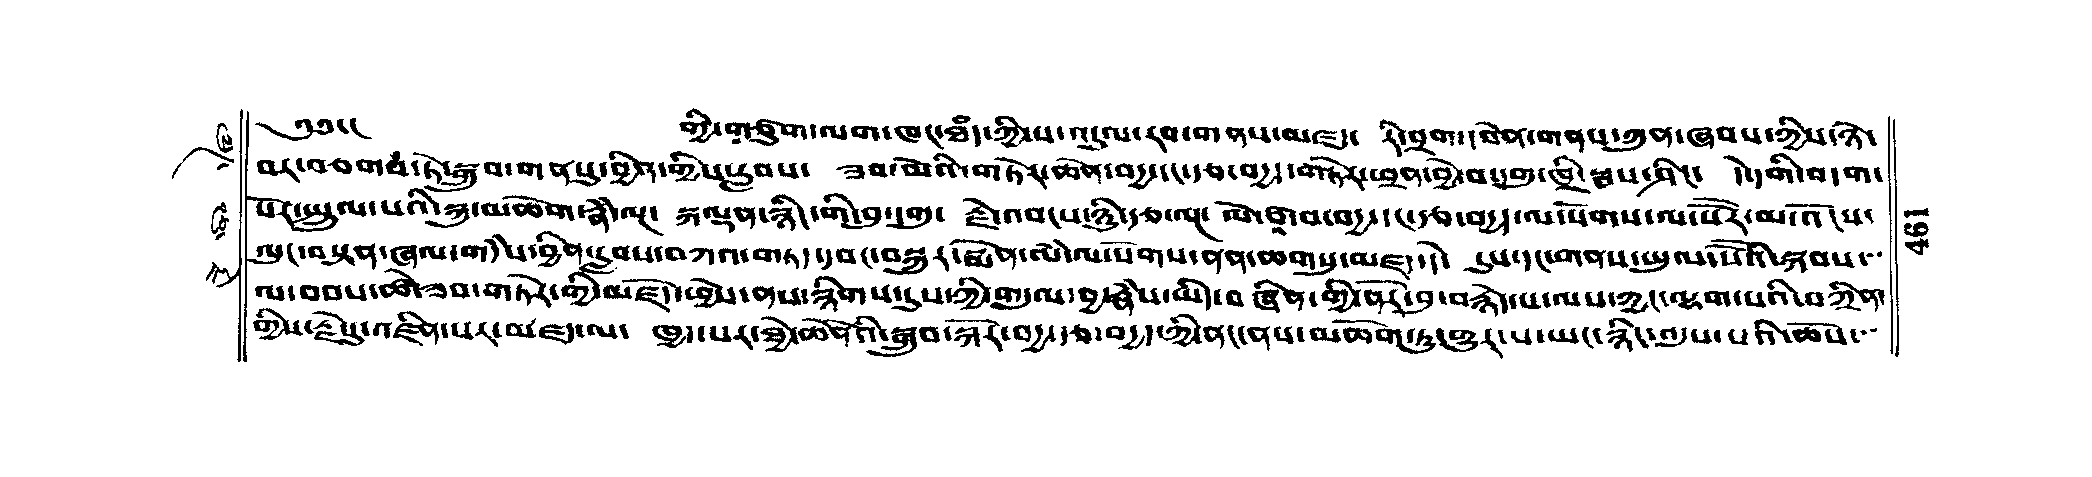གྱི་གཙུག་ལག་ཁང་ཐམས་ཅད་ཀྱི་ས་འདུལ་ཡང་འདུལ་རབ་གནས་མཛད། རི་བྲག་དབེན་གནས་ཀུན་ཞབས་ཀྱིས་ཉེ་
བར་བཅགས་ཏེ་སྒྲུབ་གནས་སུ་བྱིན་གྱིས་རླབས།ཟབ་མོའི་གཏེར་ཆེན་བརྒྱ་དང་རྩ་བརྒྱད་གཏེར་ཕྲན་བྱེ་བ་དགུ་ཁྲི་སྦས་ཤིང་། དེ་དག་གི་བདག་
པོར་སྤྲུལ་པའི་སྐུ་མཆོག་རྣམ་ལྔ་། སྐལ་ལྡན་སྙིང་གི་དབུ་དགུ་རྗེ་འབངས་ཉི་ཤུ་རྩ་ལྔ་། ལོ་ཙཱ་བ་བརྒྱ་དང་རྩ་བརྒྱད་ལ་སོགས་ལ་སོ་སོར་མ་འོངས་
ལུང་བསྟན་ཞལ་གདམས་བྱིན་རླབས་བཀའ་གཏད་དབང་བསྐུར་སྨོན་ལམ་ལ་སོགས་ནན་ཆགས་སུ་མཛད་དེ། དུས་དང་གནས་ཡུལ་སོ་སོའི་སྐབས་
ལ་བབས་ཚེ་ཟབ་གཏེར་གྱི་མཛོད་ཕྱེས་ནས་སྙིགས་དུས་ཀྱི་གདུལ་བྱ་རྣམས་ཡིད་བཞིན་གྱི་ནོར་བུ་རྙེད་པ་ལས་ཀྱང་ལྷག་པའི་བཀའ་དྲིན་
གྱིས་རྗེས་སུ་འཛིན་པར་མཛད་ལ། ཁྱད་པར་ཐུགས་རྗེ་ཆེན་པོའི་སྒྲུབ་སྐོར་བརྒྱ་རྩ་བརྒྱད་ཀྱི་ནང་ནས་མཆོག་ཏུ་གྱུར་པ་ཡང་སྙིང་འདུས་པའི་ཆོས་